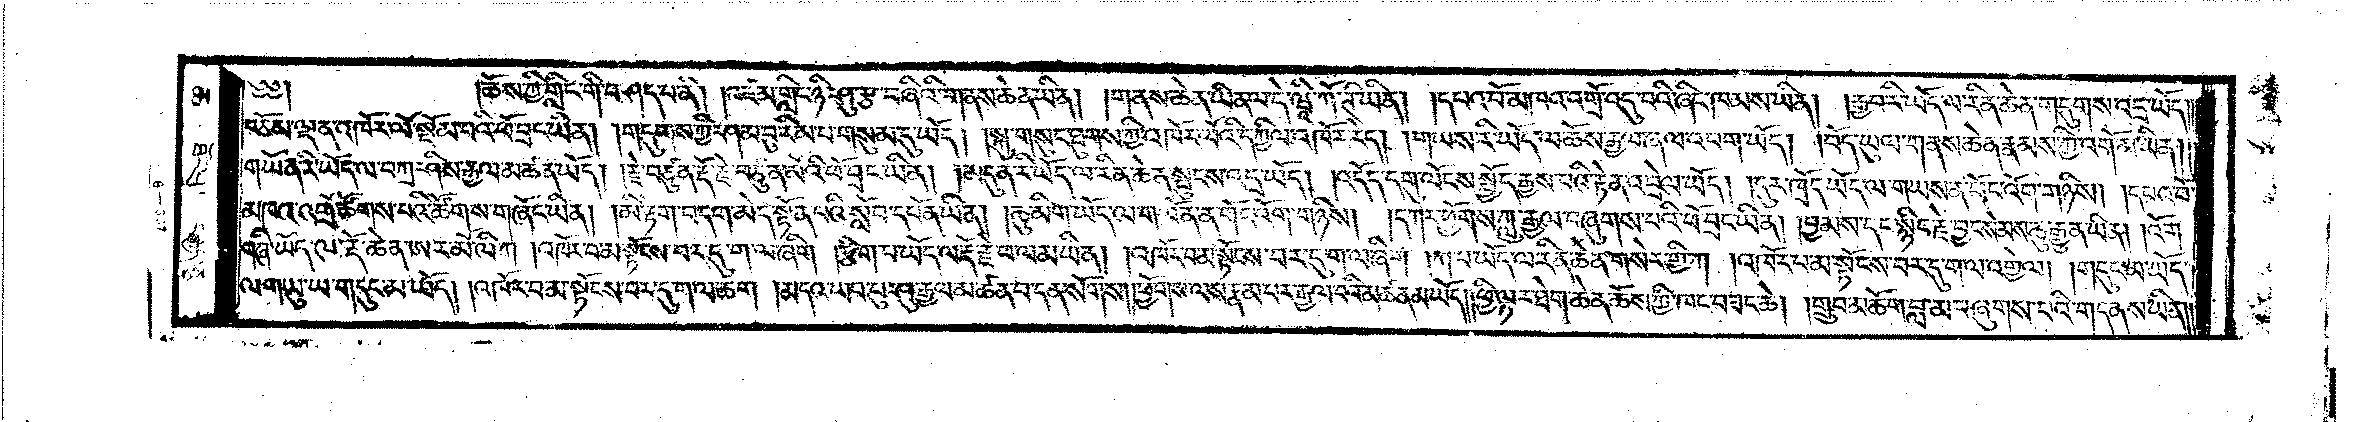༄༅། །ཆོས་ཀྱི་གླིང་གི་བཤད་པ་ནི། །འཛམ་གླིང་ཉི་ཤུ་ཙ་བཞིའི་གནས་ཆེན་ཡིན། །གནས་ཆེན་ཡིན་ལ་དེ་ཝའི་ཀོ་ཊི་ཡིན། །དཔའ་པོ་མཁའ་འགྲོ་འདུ་པའི་ཞིང་ཁམས་ཡིན། །རྒྱ་པའི་ཡོད་ལ་རིན་ཆེན་གདུགས་འདྲ་ཡོད།།
བཅོམ་ལྡན་འཁོར་ལོ་སྔོམ་བའི་ཕོ་བྲང་ཡིན། །གདུགས་ཀྱི་ཤམ་བུ་རིམ་པ་གསུམ་དུ་ཡོད། །སྐུ་གསུང་ཐུགས་ཀྱི་འཁོར་ལོའི་དཀྱིལ་འཁོར་རེད། །གཡས་རི་ཡོད་ལ་ཆོས་རྒྱལ་ཞལ་འྤག་ཡོད། །བོད་ཡུལ་གནས་ཆེན་རྣམས་ཀྱི་འགོ་མ་ཡིན། །
གཡོན་རི་ཡོད་ལ་བཀྲ་ཤིས་རྒྱལ་མཚན་ཡོད། །རྗེ་བཙུན་རྡོ་རྗེ་བཙུན་མོའི་ཕོ་བྲང་ཡིན། །མདུན་རི་ཡོད་ལ་རིན་ཆེན་སྤུངས་འདྲ་ཡོད། །འདོད་དགུ་ལོངས་སྤྱོད་རྒྱས་པའི་རྟེན་འབྲེལ་ཡོད། །དུར་ཁྲོད་ཡོད་ལ་གཡས་ན་པོང་འོག་གཉིས། །དཔའ་བོ་
མཁའ་འགྲོ་ཚོགས་པའི་ཚོགས་གཞོང་ཡིན། །མི་རྟག་བདག་མེད་སྟོན་པའི་སློབ་དཔོན་ཡིན། །ཆུ་མིག་ཡོད་ལ་གཡོན་ན་གོང་འོག་གཉིས། །དཀར་ཕྱོགས་ཀླུ་རྒྱལ་བཞུགས་པའི་ཕོ་བྲང་ཡིན། །བྱམས་དང་སྙིང་རྗེ་བྱང་སེམས་ཆུ་རྒྱུན་ཡིན། །འོག་
གཞི་ཡོད་ལ་རྡོ་ཆེན་ཨར་མོ་ལི་ཀ །འཁོར་བ་མ་སྟོངས་བར་དུ་ག་ལ་ཞིག །རྩིག་པ་ཡོད་ལ་རྡོ་རྗེ་ཕ་ལམ་ཡིན། །འཁོར་བ་མ་སྟོངས་བར་དུ་ག་ལ་ཞིག །ཀ་བ་ཡོད་ལ་རིན་ཆེན་གསེར་གྱིས། །འཁོར་པ་མ་སྟོངས་བར་དུ་གལ་འགྱེལ། །གདུང་མ་ཡོད་
ལ་གཡུ་ཡ་གདུང་མ་ཡོད། །འཁོར་བ་མ་སྟོངས་བར་དུ་གལ་ཆག །མདའ་ཡབ་པུ་ཤུ་རྒྱལ་མཚན་བ་དན་སོགས། །ཕྱོགས་ལས་རྣམ་པར་རྒྱལ་བའི་མཚན་མ་ཡོད། །ཕྱི་ལྟར་ཐེག་ཆེན་ཆོས་ཀྱི་ཁང་བཟང་ཆེ། །གྲུབ་མཆོག་བླ་མ་བཞུགས་པའི་གདན་ས་ཡིན། །